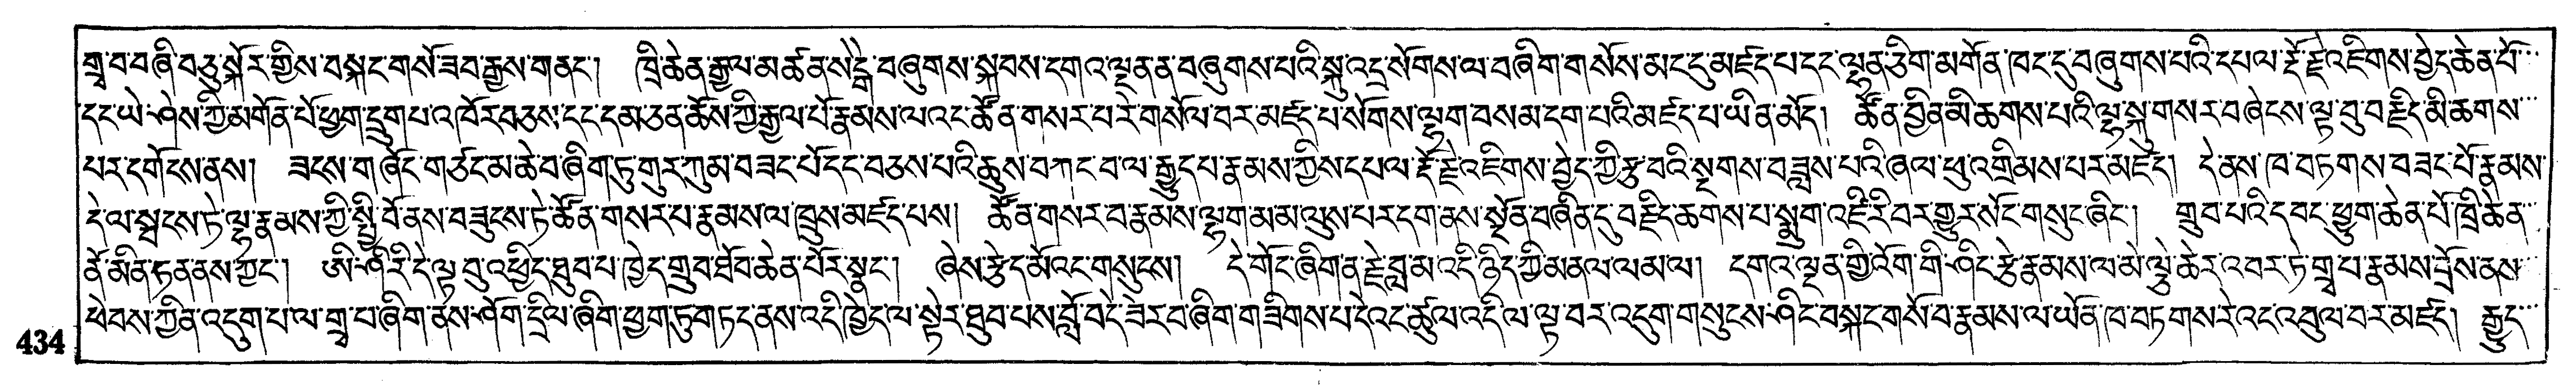གྲྭ་པ་བཞི་བཅུ་སྐོར་གྱིས་བསྐང་གསོ་ཟབ་རྒྱས་གནང་། ཁྲི་ཆེན་རྒྱལ་མཚན་སེངྒེ་བཞུགས་སྐབས་དགའ་ལྡན་ན་བཞུགས་པའི་སྐུ་འདྲ་སོགས་ལ་བཞིག་གསོས་མང་དུ་མཛད་པ་དང་ལྷན་ཅིག་མགོན་ཁང་དུ་བཞུགས་པའི་དཔལ་རྡོ་རྗེའི་འཇིགས་བྱེད་ཆེན་པོ་
དང་ཡེ་ཤེས་ཀྱི་མགོན་པོ་ཕྱག་དྲུག་པ་འཁོར་བཅས་དང་དམ་ཅན་ཆོས་ཀྱི་རྒྱལ་པོ་རྣམས་ལའང་ཚོན་གསར་པ་རེ་གསོལ་བར་མཛད་པ་སོགས་ལྷག་བསམ་དག་པའི་མཛད་པ་ཡིན་མོད། ཚོན་བྱིན་མི་ཆགས་པའི་ལྷ་སྐུ་གསར་བཞེངས་ལྟ་བུ་བརྗིད་མི་ཆགས་
པར་དགོངས་ནས། ཟངས་གཞོང་གཙང་མ་ཆེ་བ་ཞིག་ཏུ་གུར་ཀུམ་བཟང་པོ་དང་བཅས་པའི་ཆུས་བཀང་བ་ལ་རྒྱུད་པ་རྣམས་ཀྱིས་དཔལ་རྡོ་རྗེ་འཇིགས་བྱེད་ཀྱི་རྩ་བའི་སྔགས་བཟླས་པའི་ཞལ་ཕུ་འགྲིམས་པར་མཛད། དེ་ནས་ཁ་བཏགས་བཟང་པོ་རྣམས་
དེ་ལ་སྦངས་ཏེ་ལྷ་རྣམས་ཀྱི་སྤྱི་བོ་ནས་བཟུངས་ཏེ་ཚོན་གསར་པ་རྣམས་ལ་ཁྲུས་མཛད་པས། ཚོན་གསར་པ་རྣམས་ལྷག་མ་མ་ལུས་པར་དག་ནས་སྔོན་བཞིན་དུ་བརྗིད་ཆགས་པ་སྨུག་འཛི་རི་བར་གྱུར་སོང་གསུང་ཞིང་། གྲུབ་པའི་དབང་ཕྱུག་ཆེན་པོ་ཁྲི་ཆེན་
ནོ་མིན་ཏ་ན་ནས་ཀྱང་། ཨི་ཤི་རི་དེ་ལྟ་བུ་འཕྱིད་ཐུབ་པ་ཁྱེད་གྲུབ་ཐོབ་ཆེན་པོར་སྣང་། ཞེས་རྩེད་མོའང་གསུངས། དེ་གོང་ཞིག་ན་རྗེ་བླ་མ་འདི་ཉིད་ཀྱི་མནལ་ལམ་ལ། དགའ་ལྡན་གྱི་འོག་གི་ཤིང་རྩེ་རྣམས་ལ་མེ་ལྕེ་ཆེར་འབར་ཏེ་གྲྭ་པ་རྣམས་བྲོས་ནས་
ཕེབས་ཀྱིན་འདུག་པ་ལ་གྲྭ་པ་ཞིག་ནས་ཤོག་དྲིལ་ཞིག་ཕྱག་ཏུ་གཏད་ནས་འདི་ཁྱེད་ལ་སྟེར་ཐུབ་པས་བློ་བདེ་ཟེར་བ་ཞིག་གཟིགས་པ་དེའང་ཚུལ་འདི་ལ་ལྟ་བར་འདུག་གསུངས་ཤིང་བསྐང་གསོ་བ་རྣམས་ལ་ཡོན་ཁ་བཏགས་རེའང་འབུལ་བར་མཛད། རྒྱུད་